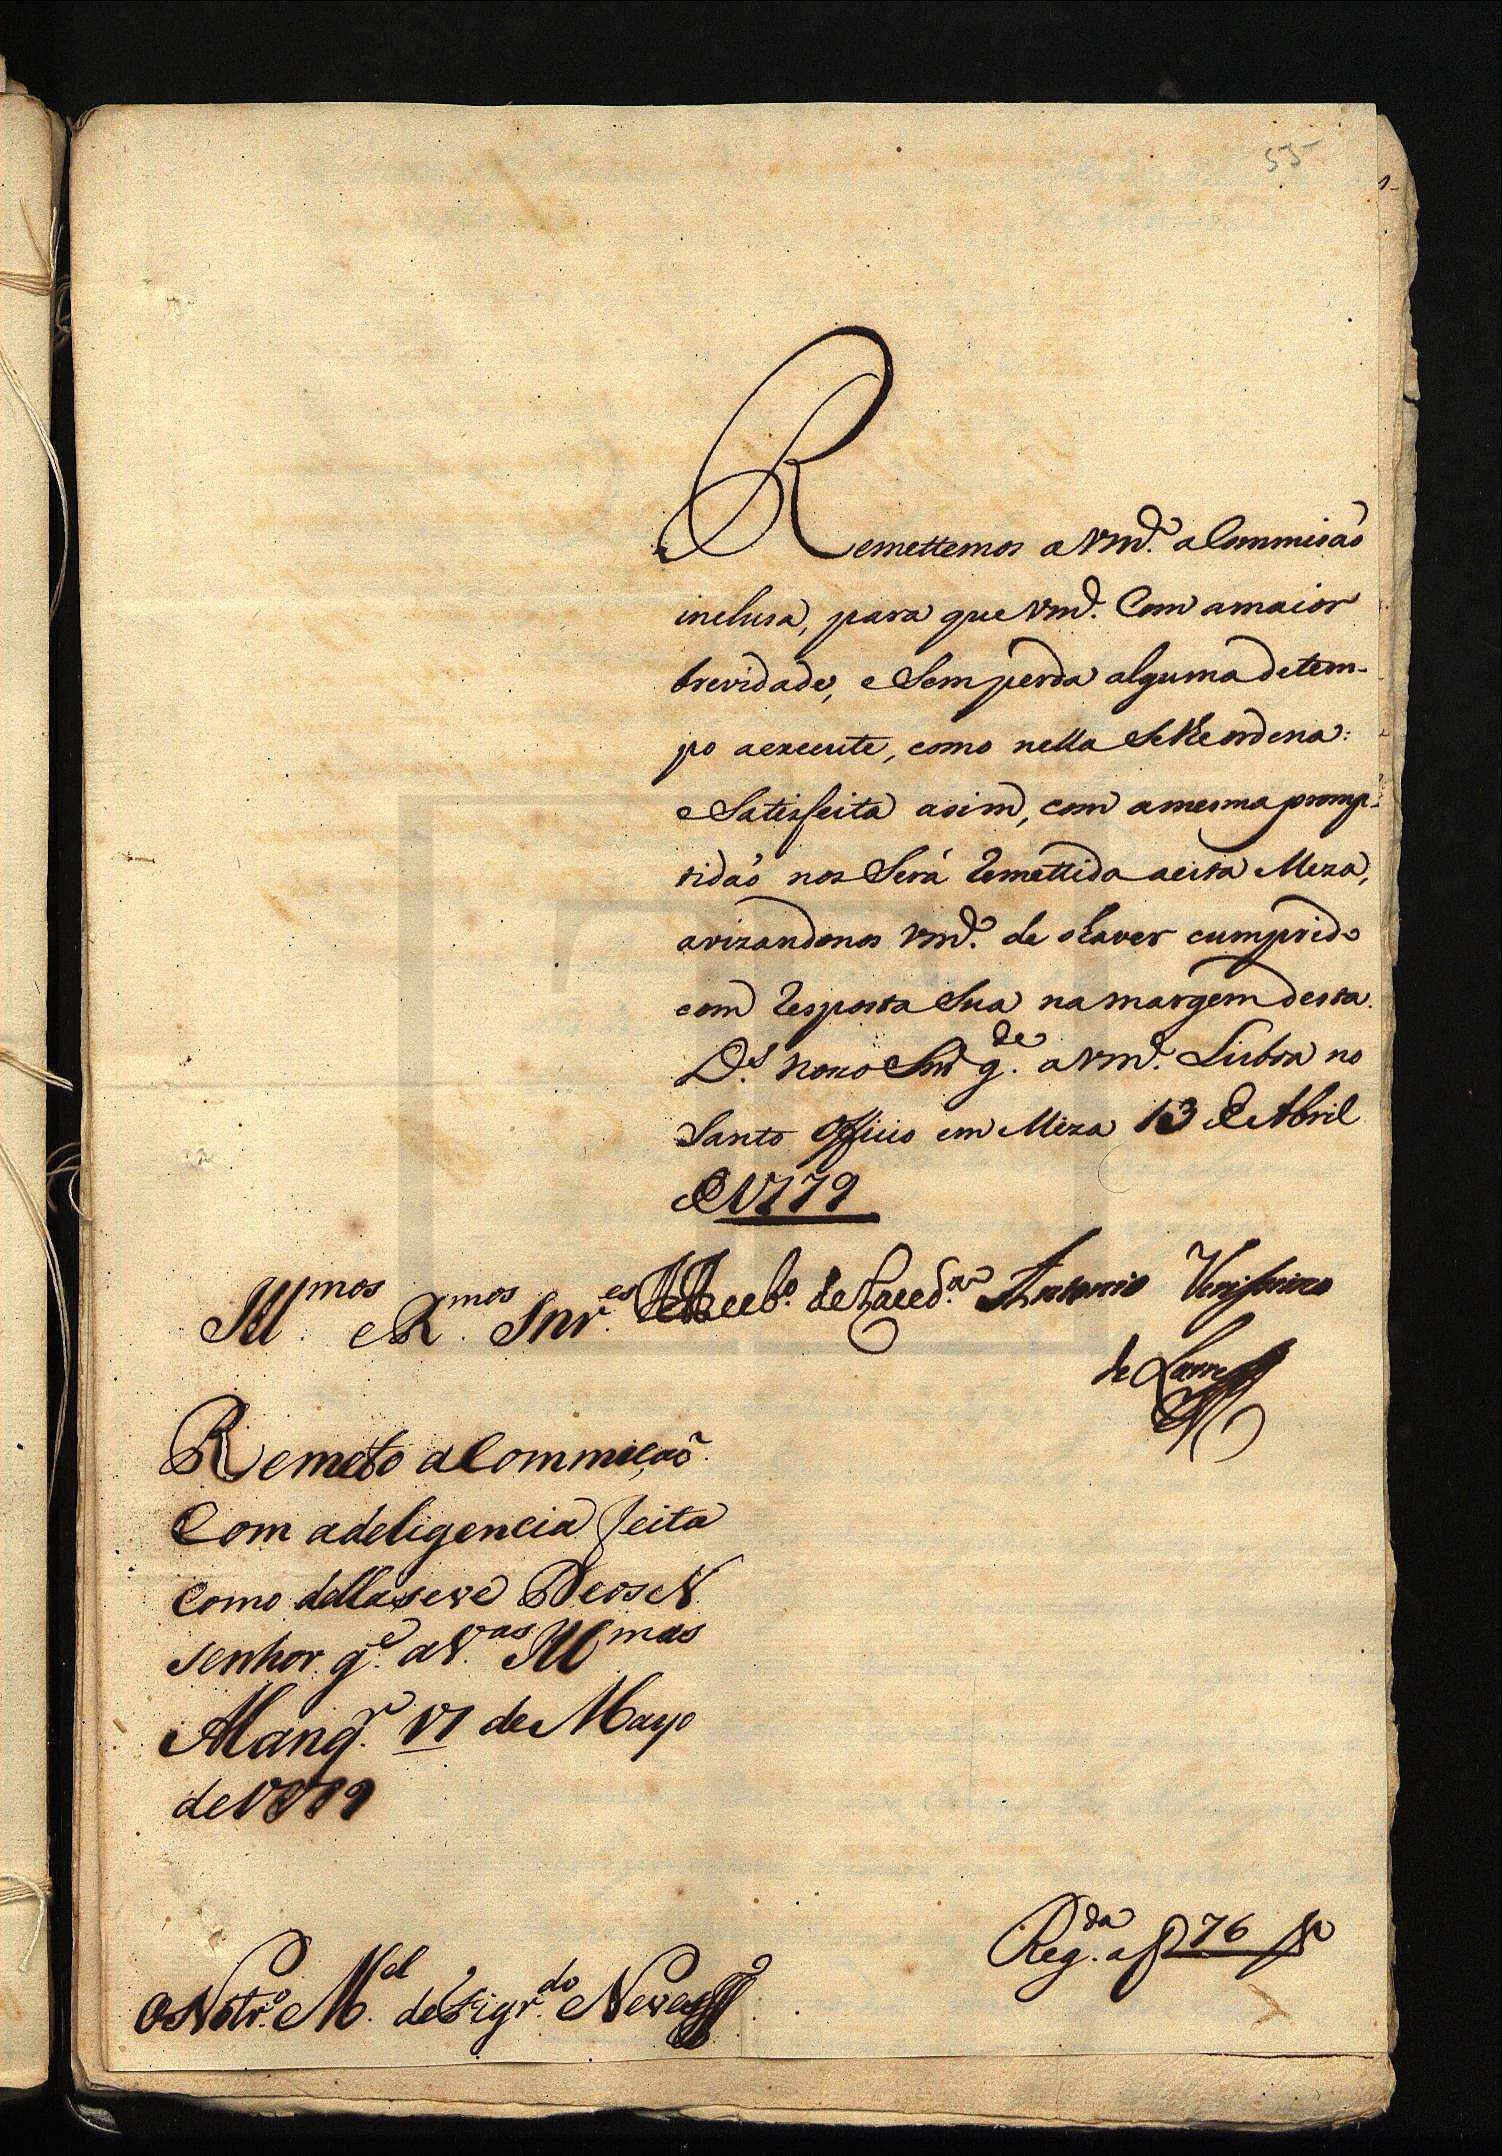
Remettemos a vmce a Commisaõ
inclusa, para que vm.e com a maior
brevidade, e Sem perda alguma de tem
po a execute, como nella Se lhe ordena:
e Satisfeita asim, com a mesma promp
tidaõ noz Será Remettida a esta Meza,
avizandonos vm.e de o haver cumprido
com Resposta Sua na margem desta.
D.s nosso Snr̄ g.de a v m.e Lisboa no
Santo Officio em Meza 13 d̄ Abril
d̄ 1779
Ill.mos e R.mos Snr.es A Recb.o de Laced.a
Antonio Verissimo
de Larre
Remeto a commiçaõ
Com a deligencia feita
como della se ve Deos N.
senhor g.e a V.as Ill.mas
Alanq.r 17 de Mayo
de 1779
Reg.da a fl 76 v
o Notr.o M.el de Figr.do Neves
